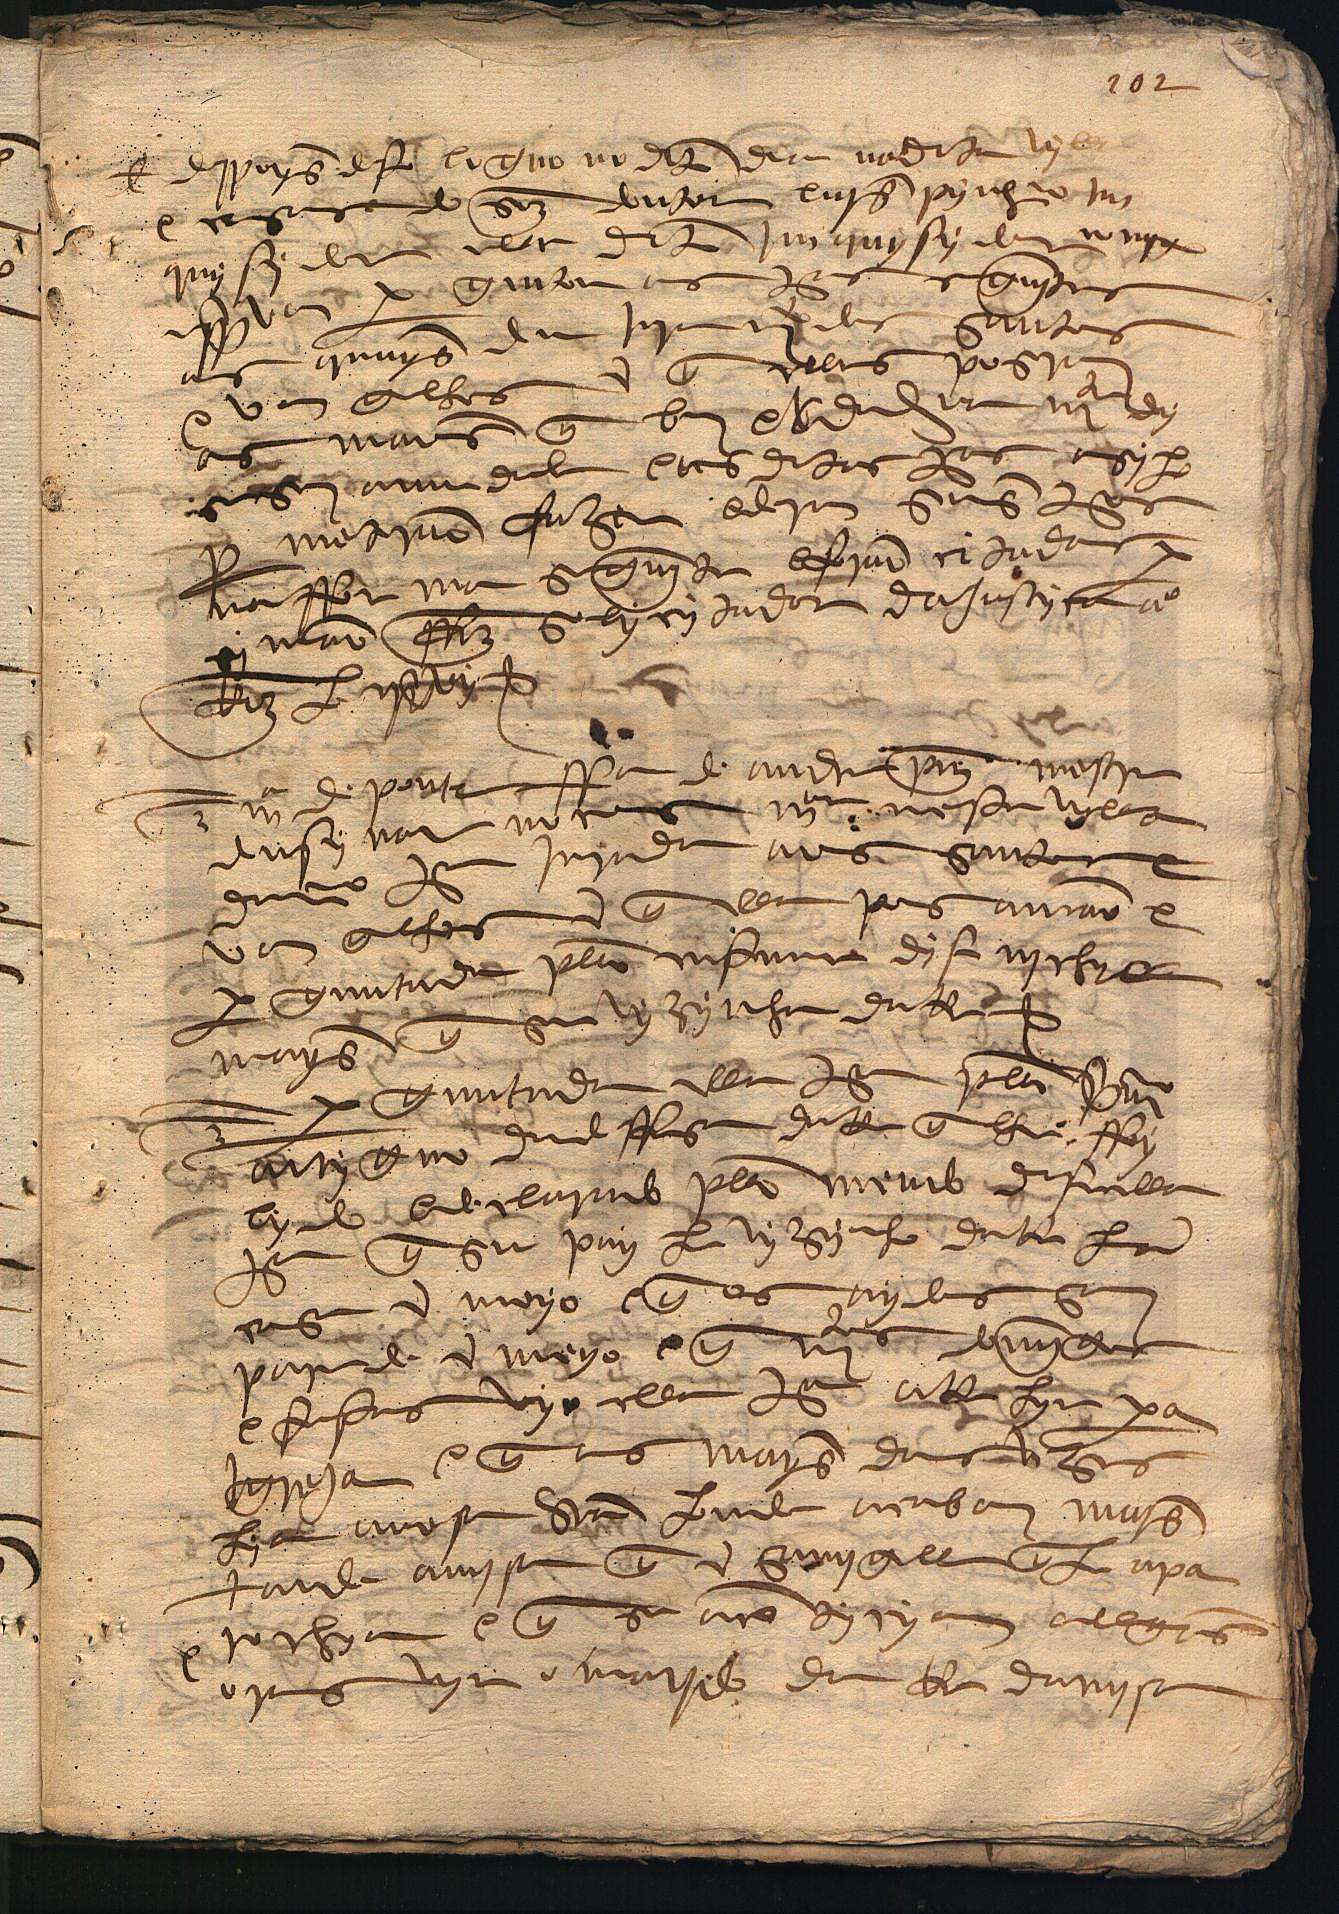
E despoys desto loguo no dito dia na dita vylla
e casas do s̄or doutor lujs pynhro jm
quysydor elle dito Jmquysydor comjgo
esp̄vam ꝑguntou as tsas seḡujtes
as quays deu Juramto dos santos
evamgelhos ē q̄ ellas poseram
as mãos q̄ bem e ꝟdadjramte dy
sesem a uerdade e as ditas tsas asy ho
ꝓmeterão fazer e deram seus tsos
na fforma seḡujte e forão citadas ꝑ
symão f̄frz solycytador da Justyca ao
R̄iz ho esp̄vy
item ma de ponte ffa de andre p̄iz mestre
densynar mocos mor nesta vylla
dauro tsa Jurada aos santos e
vamgelhos ē q̄ ella pos a mão e
ꝑguntada p̄llo custume dyse njchyl
mays q̄ ser vyzynha da Re
item ꝑguntada ella tsa p̄llo p̄mro
artyguo da deffesa da Re q̄ lhe ffoy
lydo e declarado p̄llo meudo dise ella
tsa q̄ seu pay he vyzynho da Re huā
casa ē meyo e q̄ os aydos sam
parede ē meyo e q̄ mtos dom̄jgos
e festas vyo ella tsa a Re hyr ꝑ a
Jgreja e q̄ as mays das vezes
hya a nosa Srā honde acabam majs
tarde a mjsa q̄ ē samjgel q̄ he a pa
rochya e q̄ se ācotycyam allguās
oras vyr o marjdo da Re da mjsa
